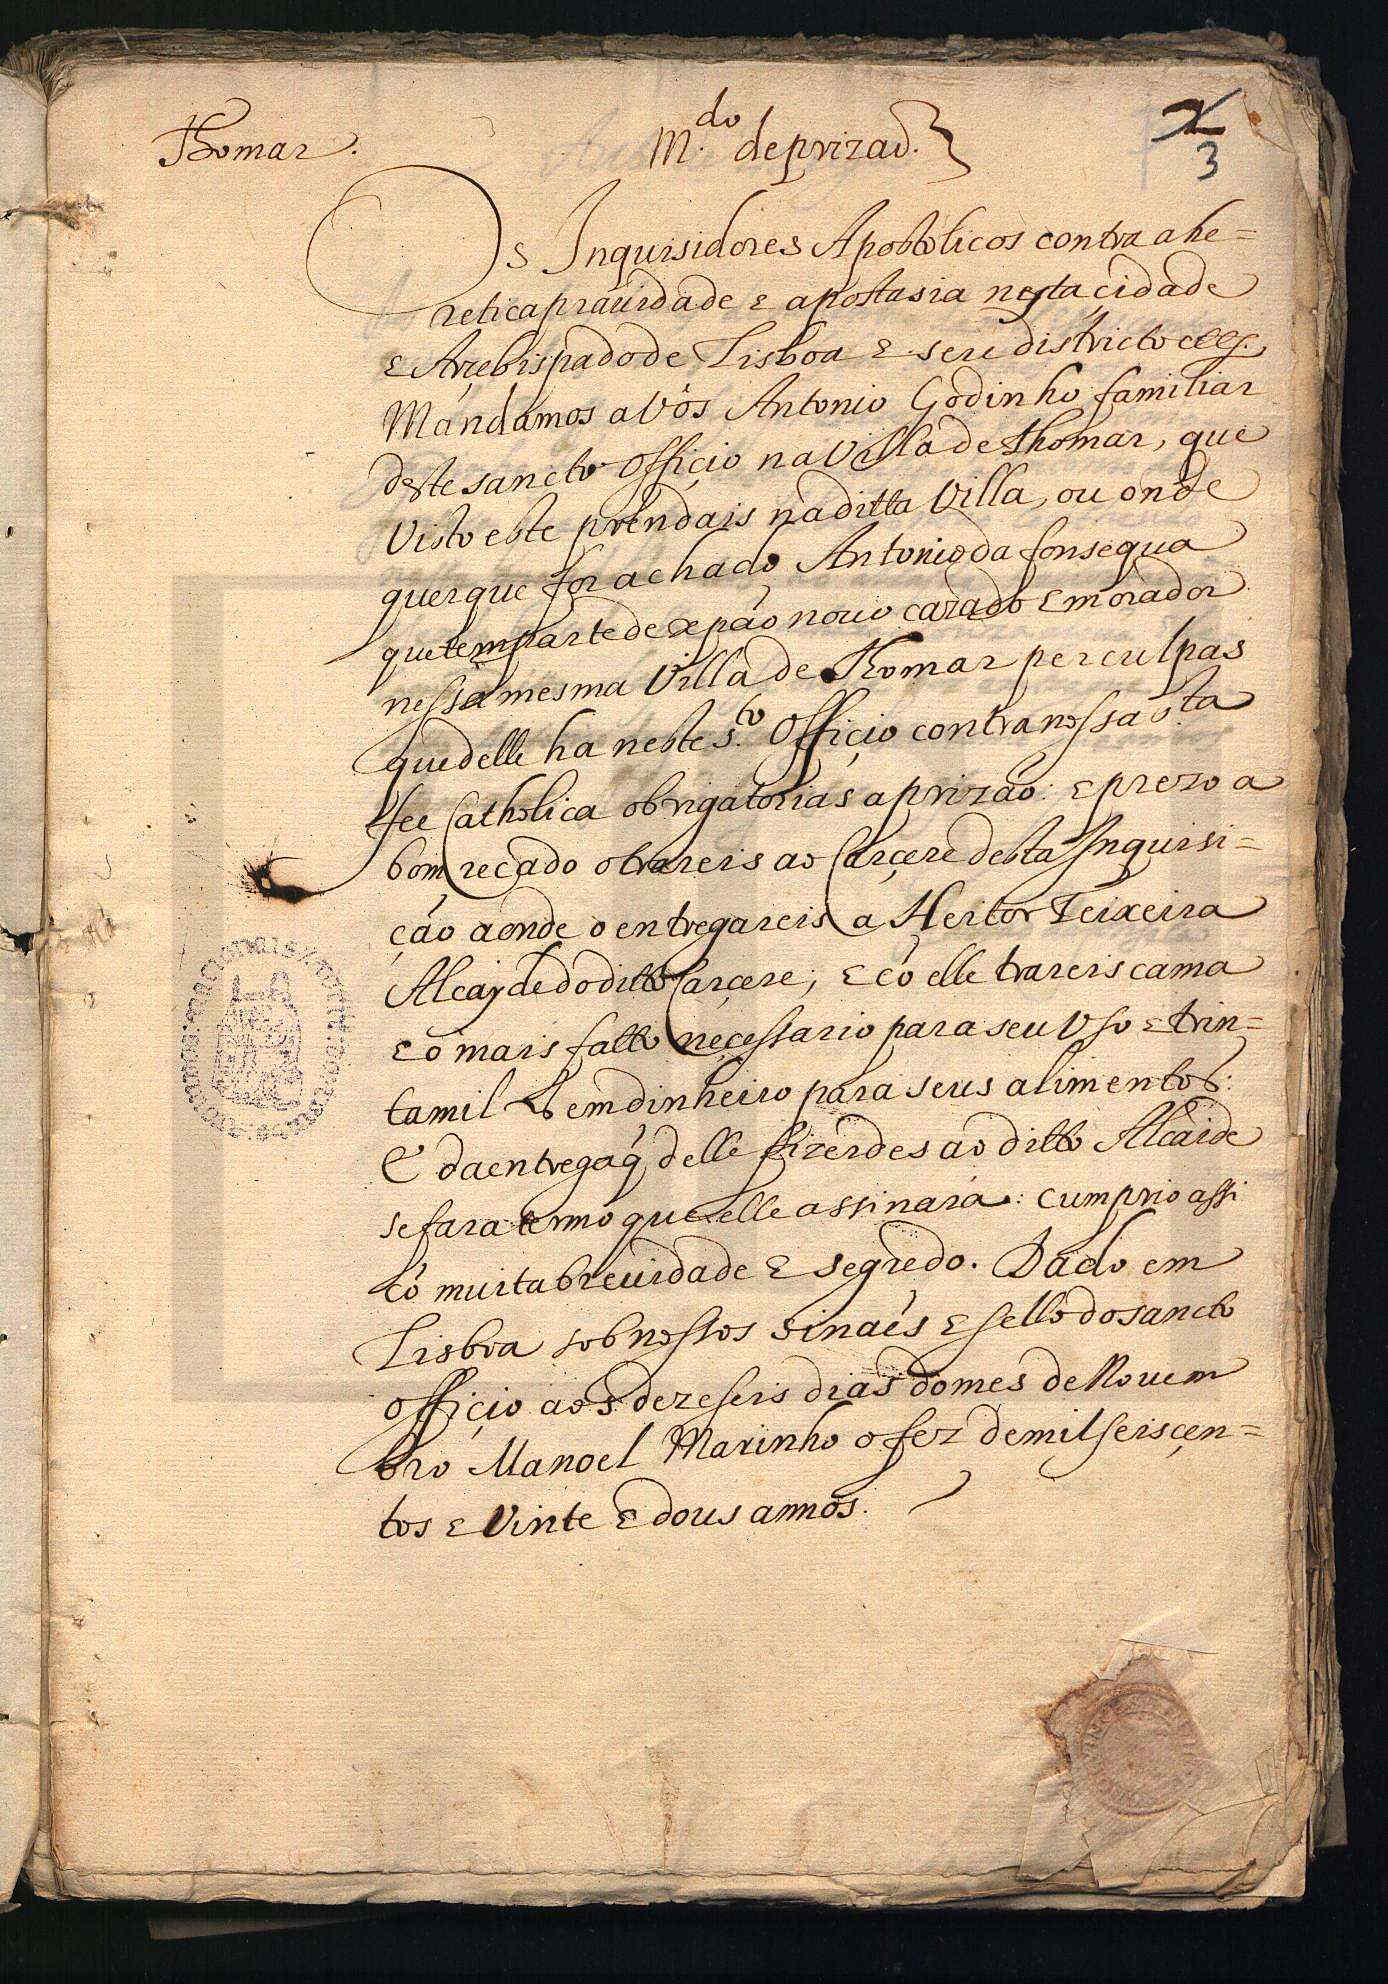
Thomar.
M.do de prizaõ.
Os Inquisidores Apostolicos contra a he
retica prauidade E apostasia nesta cidade
E Arcebispado de Lisboa E seu districto ettꝭ.
Mandamos a vós Antonio Godinho familiar
deste sancto officio na villa de thomar, que
Visto este prendais na ditta Villa, ou onde
quer que for achado Antonio da fonsequa
que tem parte de xpaõ nouo cazado E morador
nessa mesma Villa de Thomar per culpas
que delle ha neste s.to officio contra nossa s.ta
fee Catholica obrigatorias a prizaõ: E prezo a
bom recado o trareis ao Carcere desta Jnquisi
ção aonde o entregareis a Heitor Teixeira
Alcayde do ditto Carcere, E cō elle trareis cama
E o mais fatto necessario para seu Vso E trin
ta mil rs̄ em dinheiro para seus alimentos:
E da entrega q̄ delle fizerdes ao ditto Alcaide
se fara termo que elle assinara: cumprio assi
cō muita breuidade E segredo. Dado em
Lisboa sob nossos sinaes E sello do sancto
officio aos dezeseis dias do mes de Nouem
bro Manoel Marinho o fez de mil seiscen
tos E vinte E dous annos.
